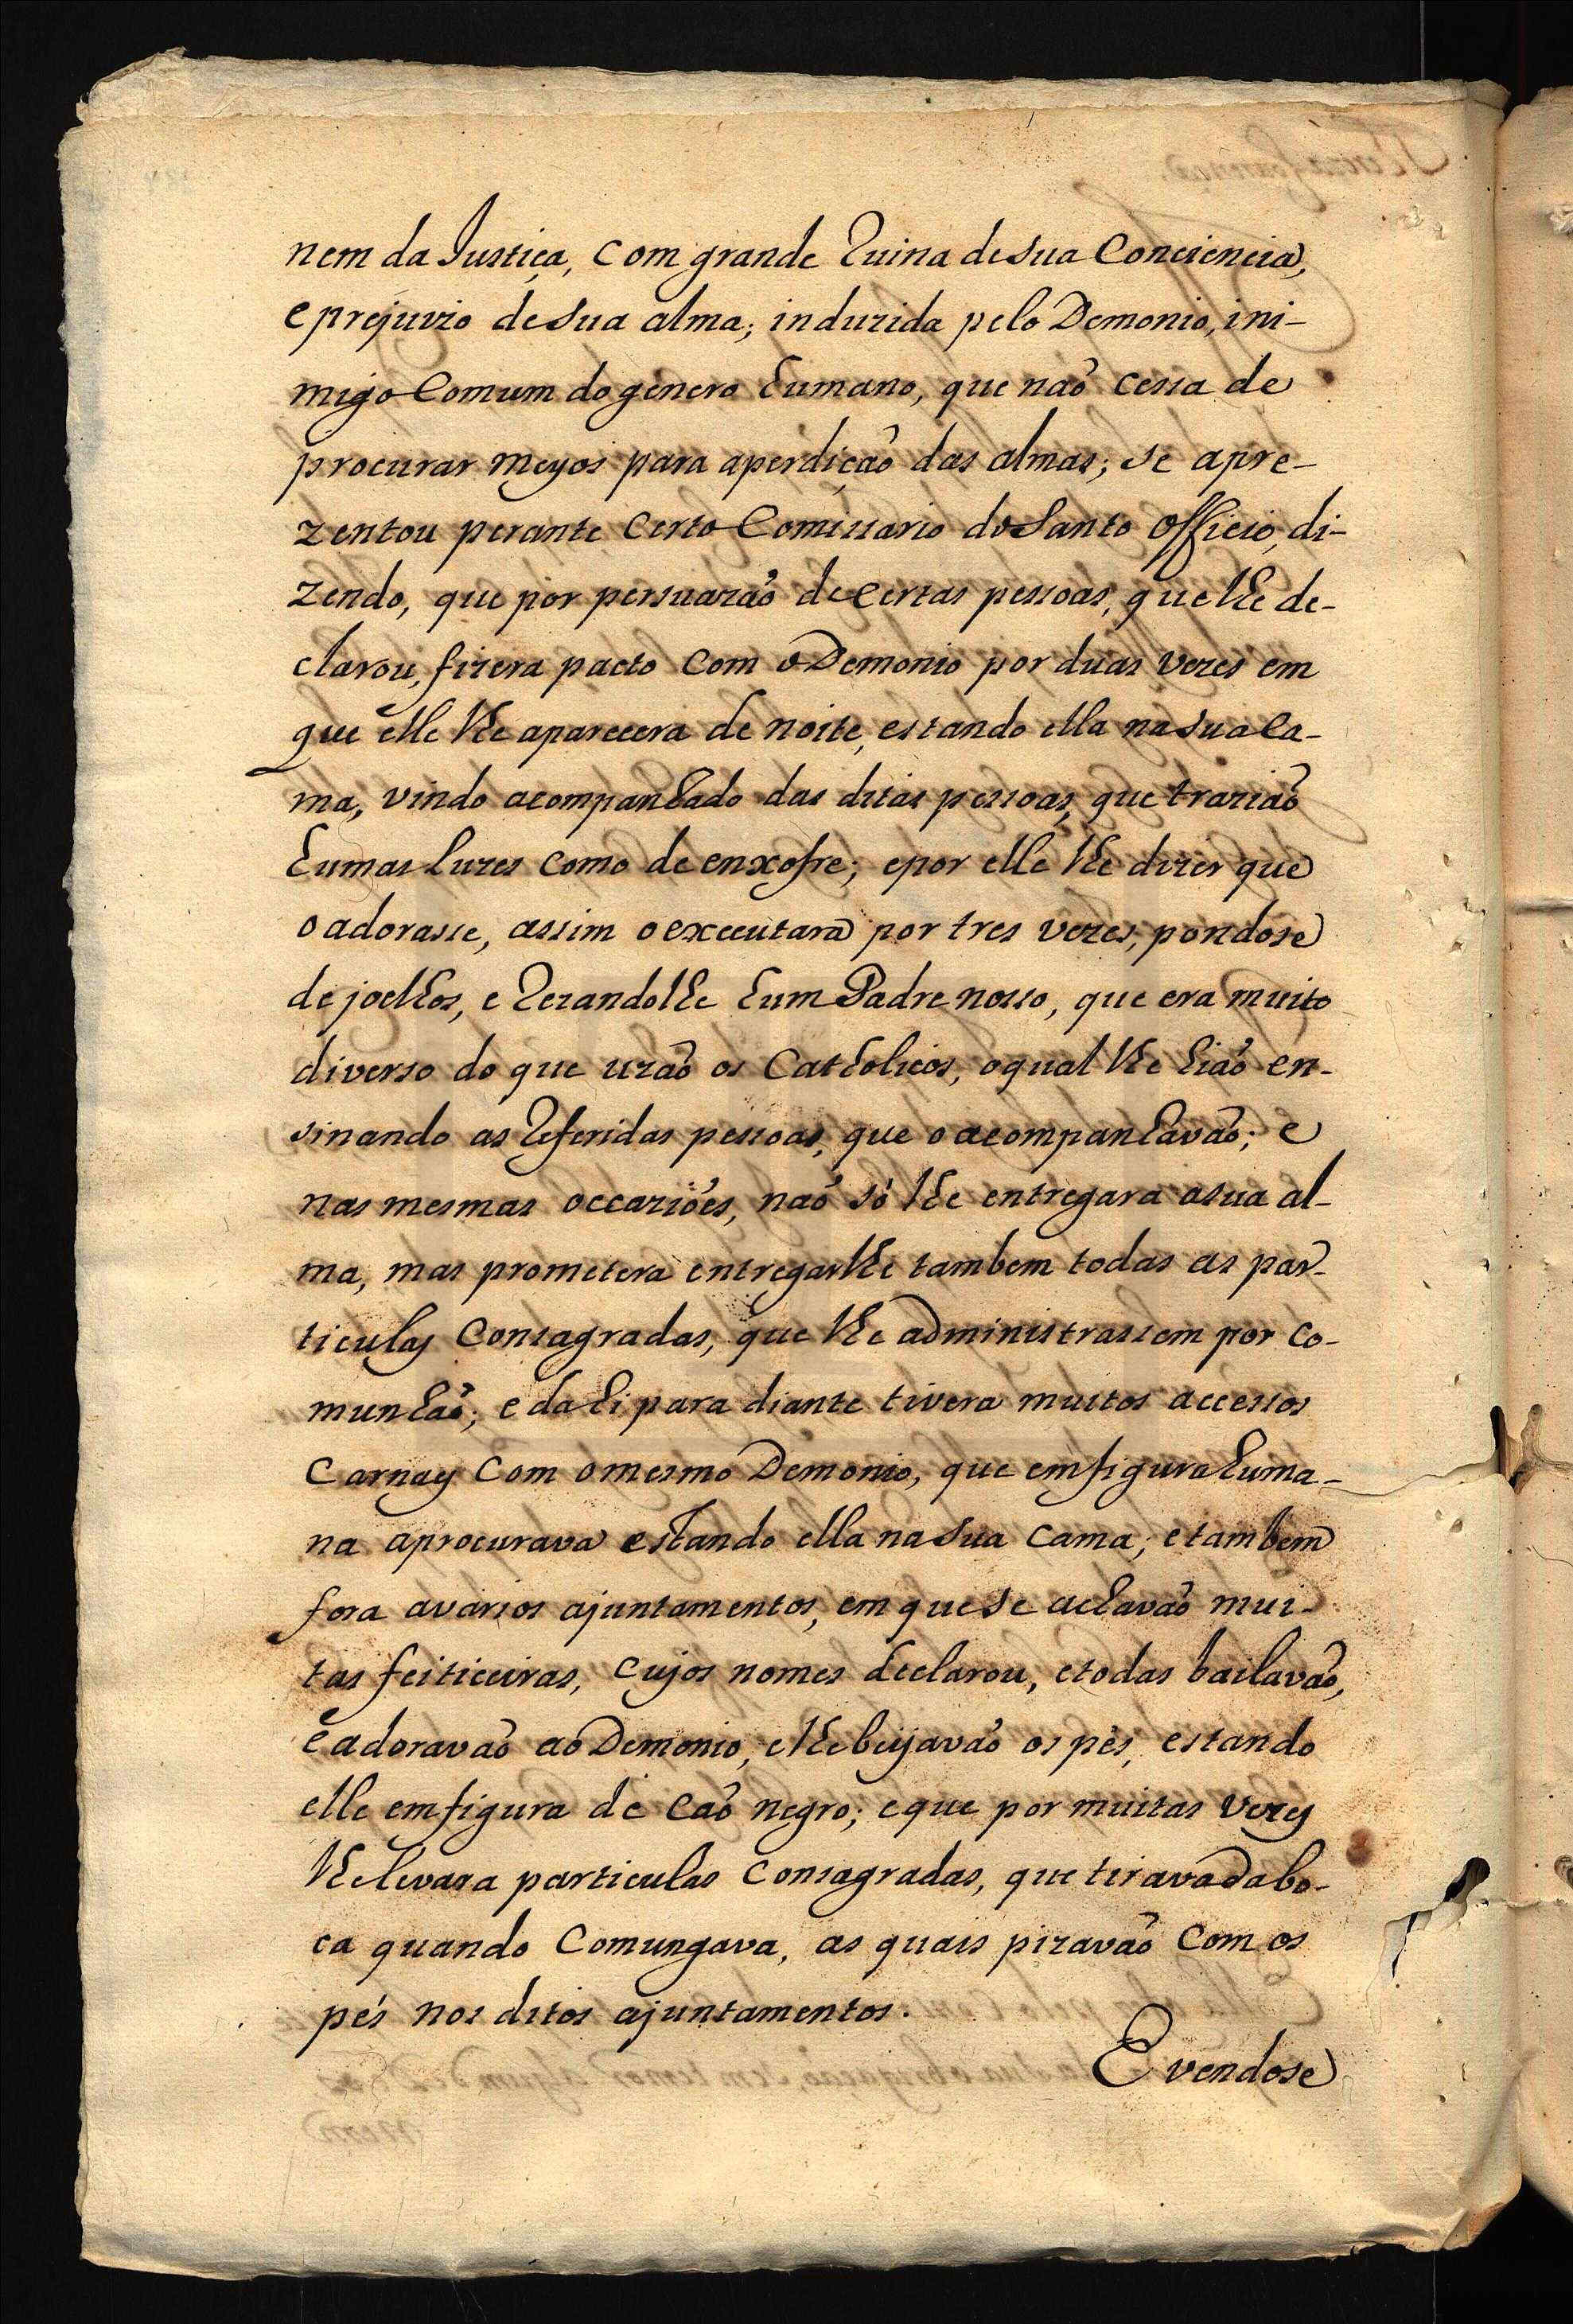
nem da Iustiça, com grande ruina de sua conciencia,
e prejuizo de sua alma; induzida pelo Demonio, ini
migo Comum do genero humano, que não cessa de
procurar meyos para a perdição das almas; se apre
zentou perante Certo Comissario do Santo officio, di
zendo, por persuazaõ de certas pessoas, que lhe de
clarou, fizera pacto com o Demonio por duas vezes em
que elle lhe aparecera de noite, estando ella na sua ca
ma, vindo acompanhado das ditas pessoas, que traziaõ
humas luzes como de enxofre; e por elle lhe dizer que
o adorasse, assim o executara por tres vezes, pondo se
de joelhos, e rezando lhe hum Padre nosso, que era muito
diverso do que uzão os Catholicos, o qual lhe hiaõ en
sinando as referidas pessoas, que o acompanhavaõ; e
nas mesmas occazioẽs, naõ só lhe entregara a sua al
ma, mas prometera entregar lhe tambem todas as par
ticulas consagradas, que lhe administrassem por co
munhaõ, e dahi para diante tivera muitos acessos
Carnaes com o mesmo Demonio, que em figura huma
na a procurava estando ella na sua cama e também
fora a varios ajuntamentos, em que se achavaõ mui
tas feiticeiras, cujos nomes declarou, e todas bailavão,
e adoravaõ ao Demonio, e lhe beijavaõ os pés, estando
elle em figura de caõ negro; e que por muitas vezes
lhe levara particulas consagradas, que tirava da bo
ca quando Comungava, as quais pizavão com os
pés nos ditos ajuntamentos.
E vendo se
